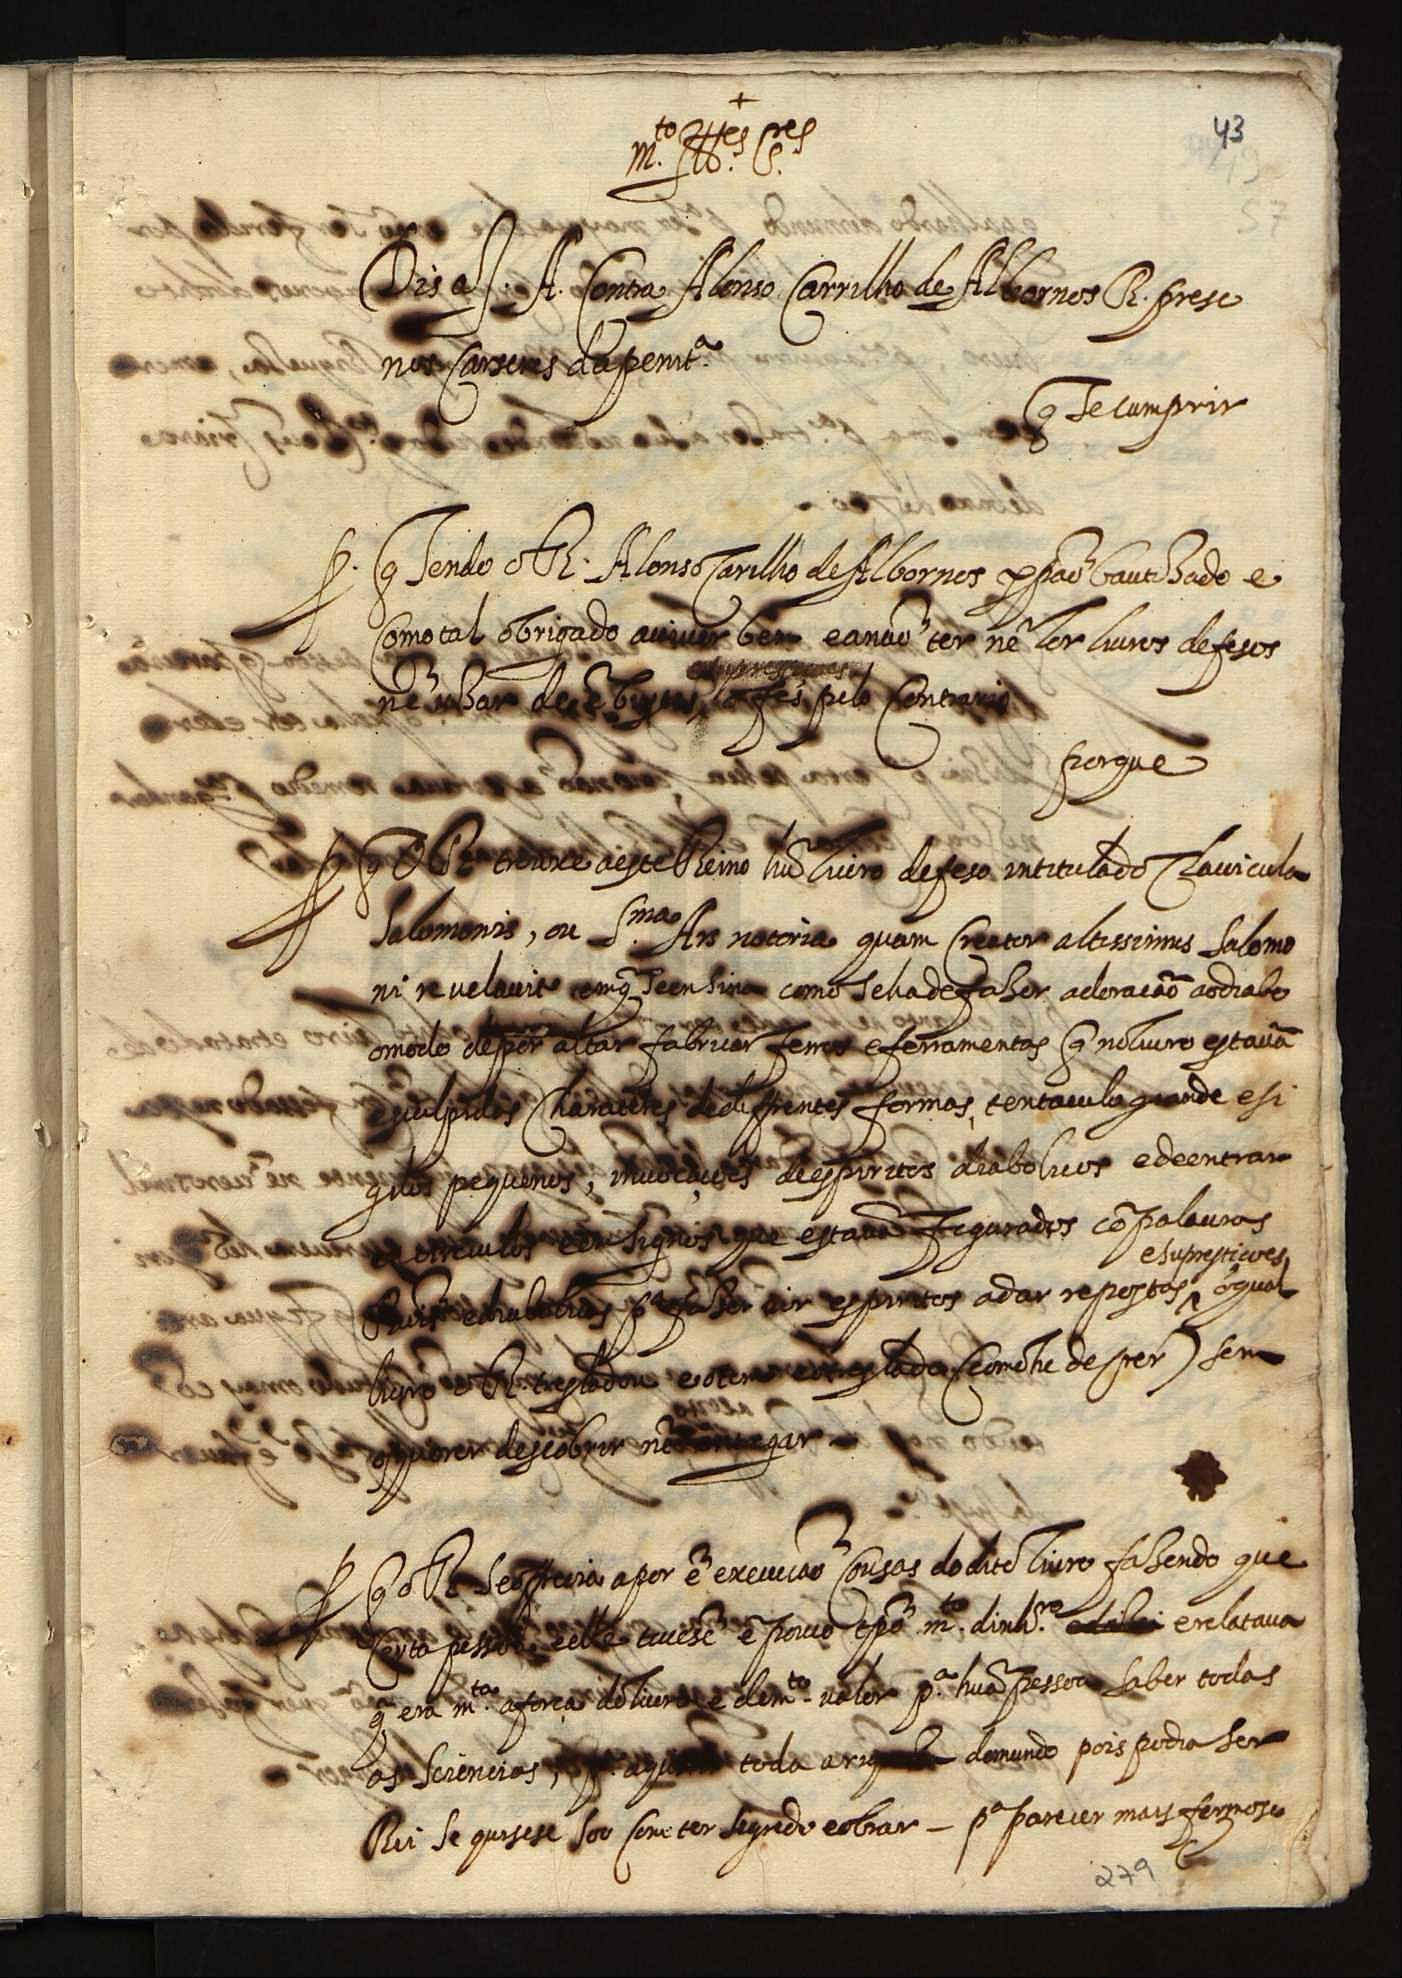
M.to Jll.es S.res
Dis a J. A. Contra Alonso Carrilho de Albornos R. preso
nos Carseres da penit.a
q̄ se cumprir
Ꝓ. q̄ Sendo o R. Alonso Carilho de Albornos xpaõ bautizado e
Como tal obrigado a uiuer bem e a naõ ter nē ler liuros defesos
nē uzar de ēbustes o fes pelo Contrario
porque
Ꝓ q̄ O R trouxe a este Reino hū liuro defeso intitulado Clauicula
Salomonis, ou S.ma Ars notoria quam Creator altissimus Salomo
ni reuelauit em q̄ se ensina como se ha de fazer adoraçaõ ao diabo
o modo de por altar fabricar ferros e ferramentas q̄ no liuro estauā
esculpidos Charateres de diffrentes formas, tentaculo grande e si
gnos pequenos, inuocações de espiritos diabolicos e de entrar
em circuilos e em signos que estauaõ figurados cō palauras
Ruĩs e diabolicas pa fazer uir espiritos a dar repostas
e suprestiçoes
o qual
liuro o R. tresladou e o tem e o treslado (como he de crer) sem
os querer descobrir nē entregar
Ꝓ q̄ o R. Se offrecia a por ē execuçaõ Cousas do dito liuro fazendo que
Certa pessoa e elle tiuesē ē pouco tpō m.to dinh.ro e dizia e relataua
q̄ era m.ta a força do liuro e de m.to ualor p.a huā pessoa saber todas
as Sciencias, p.a aquirir toda a riqueza do mundo pois podia ser
Rei se quisese soo Com ter segredo e obrar – pa parecer mais fermoso
